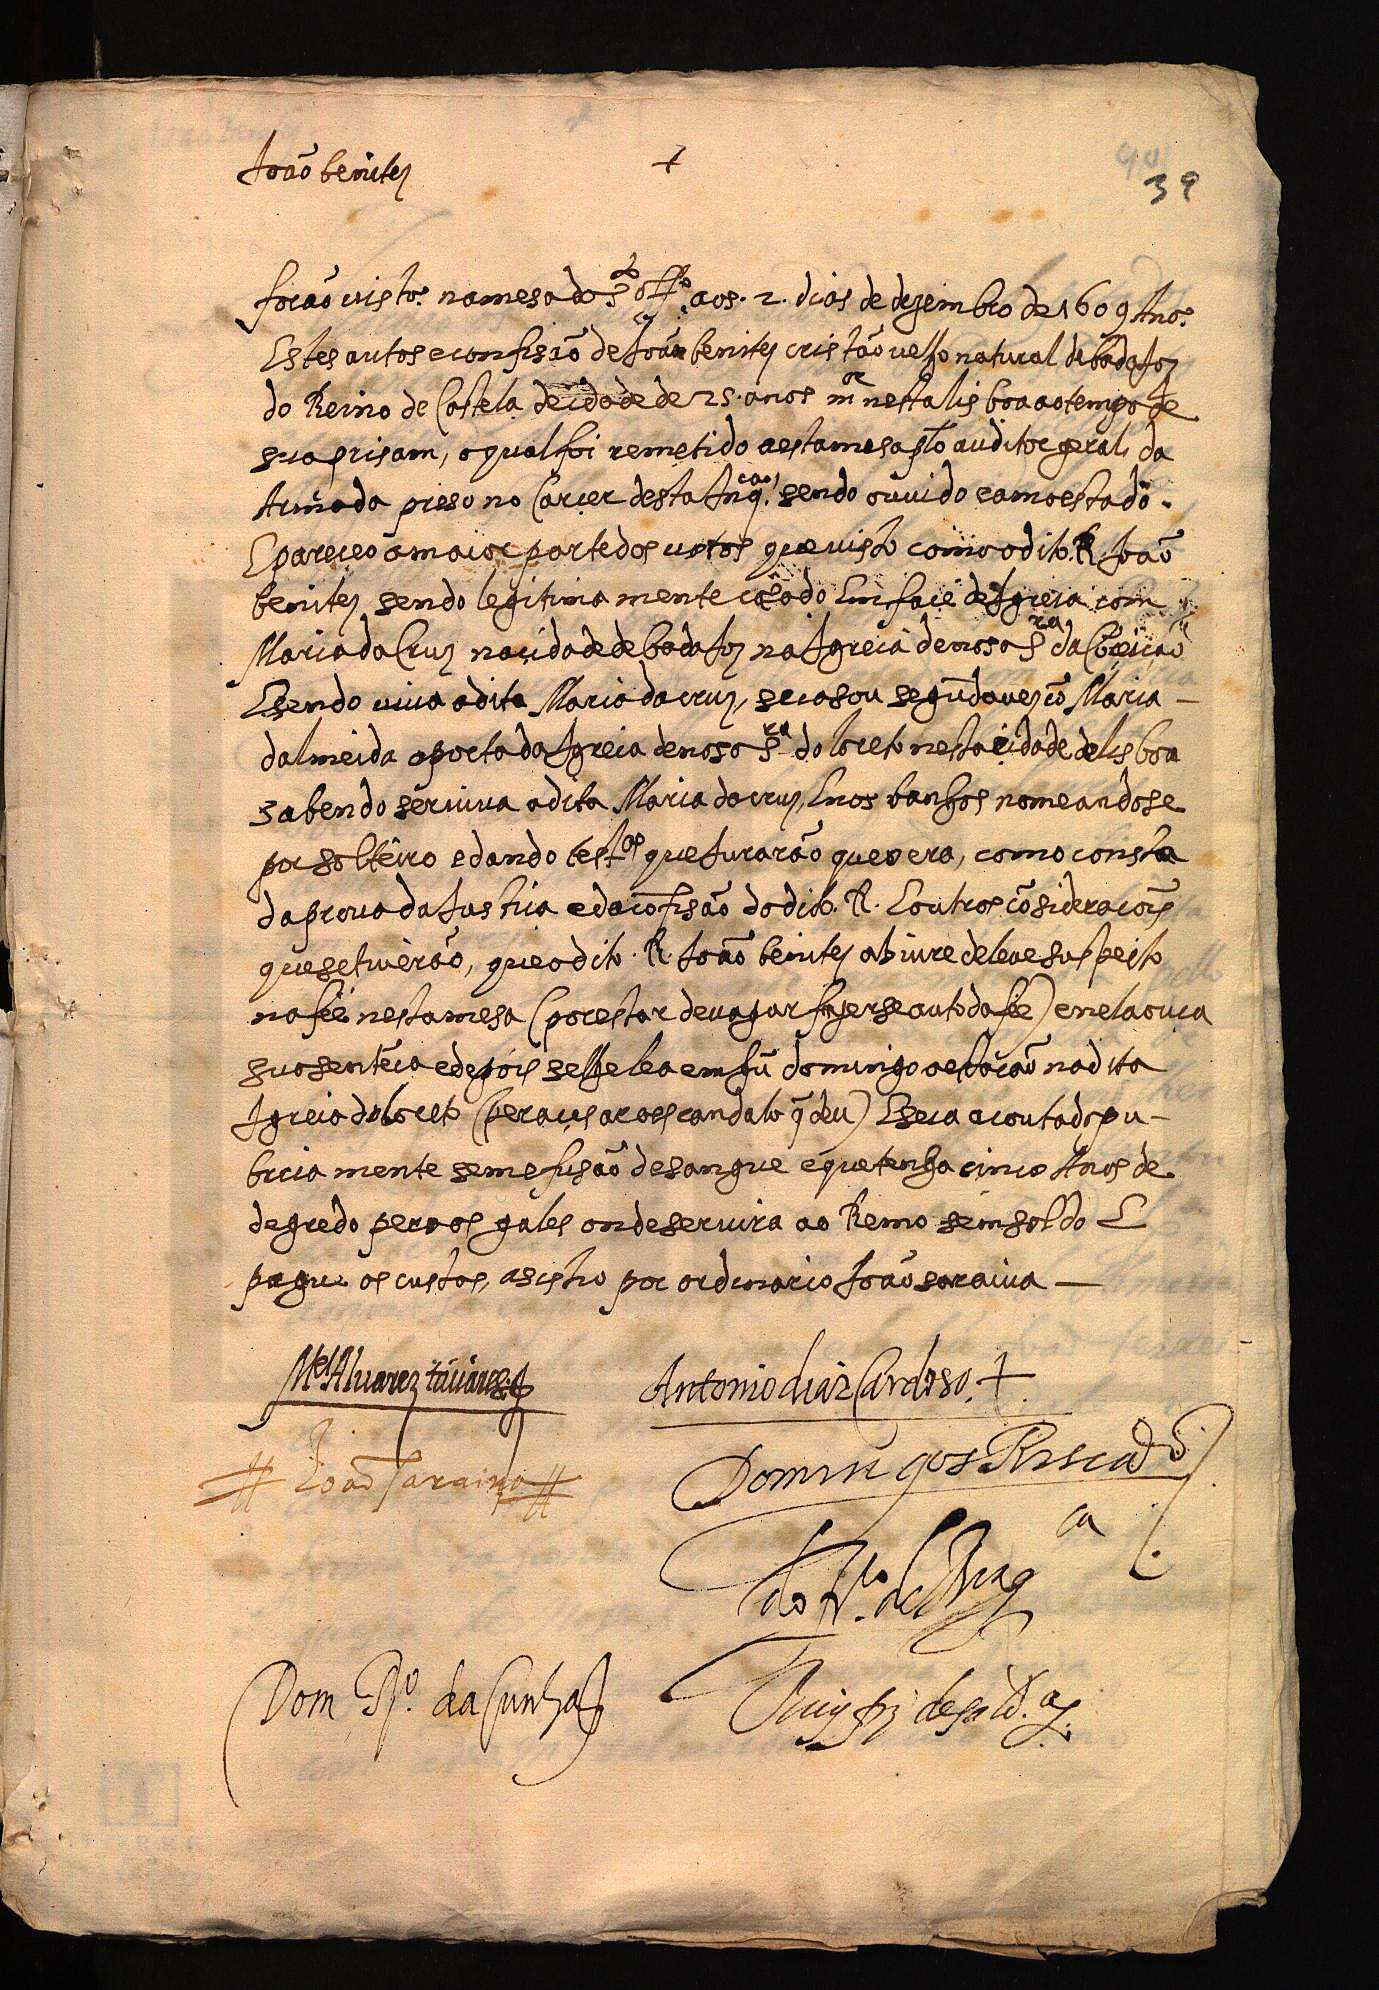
Ioaõ benitez
foraõ uistos. na mesa do sto offo. aos. 2. dias de dezembro de 1609 Anos.
Estes autos e confisaõ de Ioaõ benitez cristaõ uelho natural de badaJoz
do Reino de Castela de idade de 25. anos mor nesta lisboa ao tempo de
sua prisam, o qual foi remetido a esta mesa pl̄o auditor geral da
Armada preso no Carcer desta Inqcaõ. sendo ouuido e amoestado
E pareceo a maior parte dos uotos que uisto como o dito .R. Joaõ
benitez sendo legitimamente casado Em face da Igreia com
Maria da Cruz na cidade de badajoz na Igreia de nosa Sra da Cōceiçaõ
E sendo uiua a dita Maria da cruz, se casou segūda uez cō Maria
dalmeida a porta da Igreia de nosa s.ra do loreto cidade de lisboa
sabendo ser uiua a dita Maria da cruz, E nos banhos nomeandose
por solteiro e dando test.as que Iuraraõ que o era, como consta
da proua da Iustiça e da cōfisaõ do dito .R. E outras cōsideraçoĩs
que se tiueraõ, que o dito .R. Ioaõ benitez abiure de leue sospeito
na fee nesta mesa (por estar deuagar fazerse auto da fee) e nela ouça
sua sentēça e depois se lhe lea em hū domingo a estaçaõ na dita
Igreia do loreto (pera cesar o escandalo q̄ deu) E seia açoutado pu
bricamente sem efusaõ de sangue e que tenha cinco Anos de
degredo pera as gales onde seruira ao Reino sem soldo E
pague as custas, asistio por ordinario Ioaõ saraiua
Mel Aluarez tauares
Antonio diaz Cardoso
Domingos Riscado
Ioaõ saraiua
dō fr.co de Bragça
Dom Ro. da Cunha
Ruy frz de sald.a
